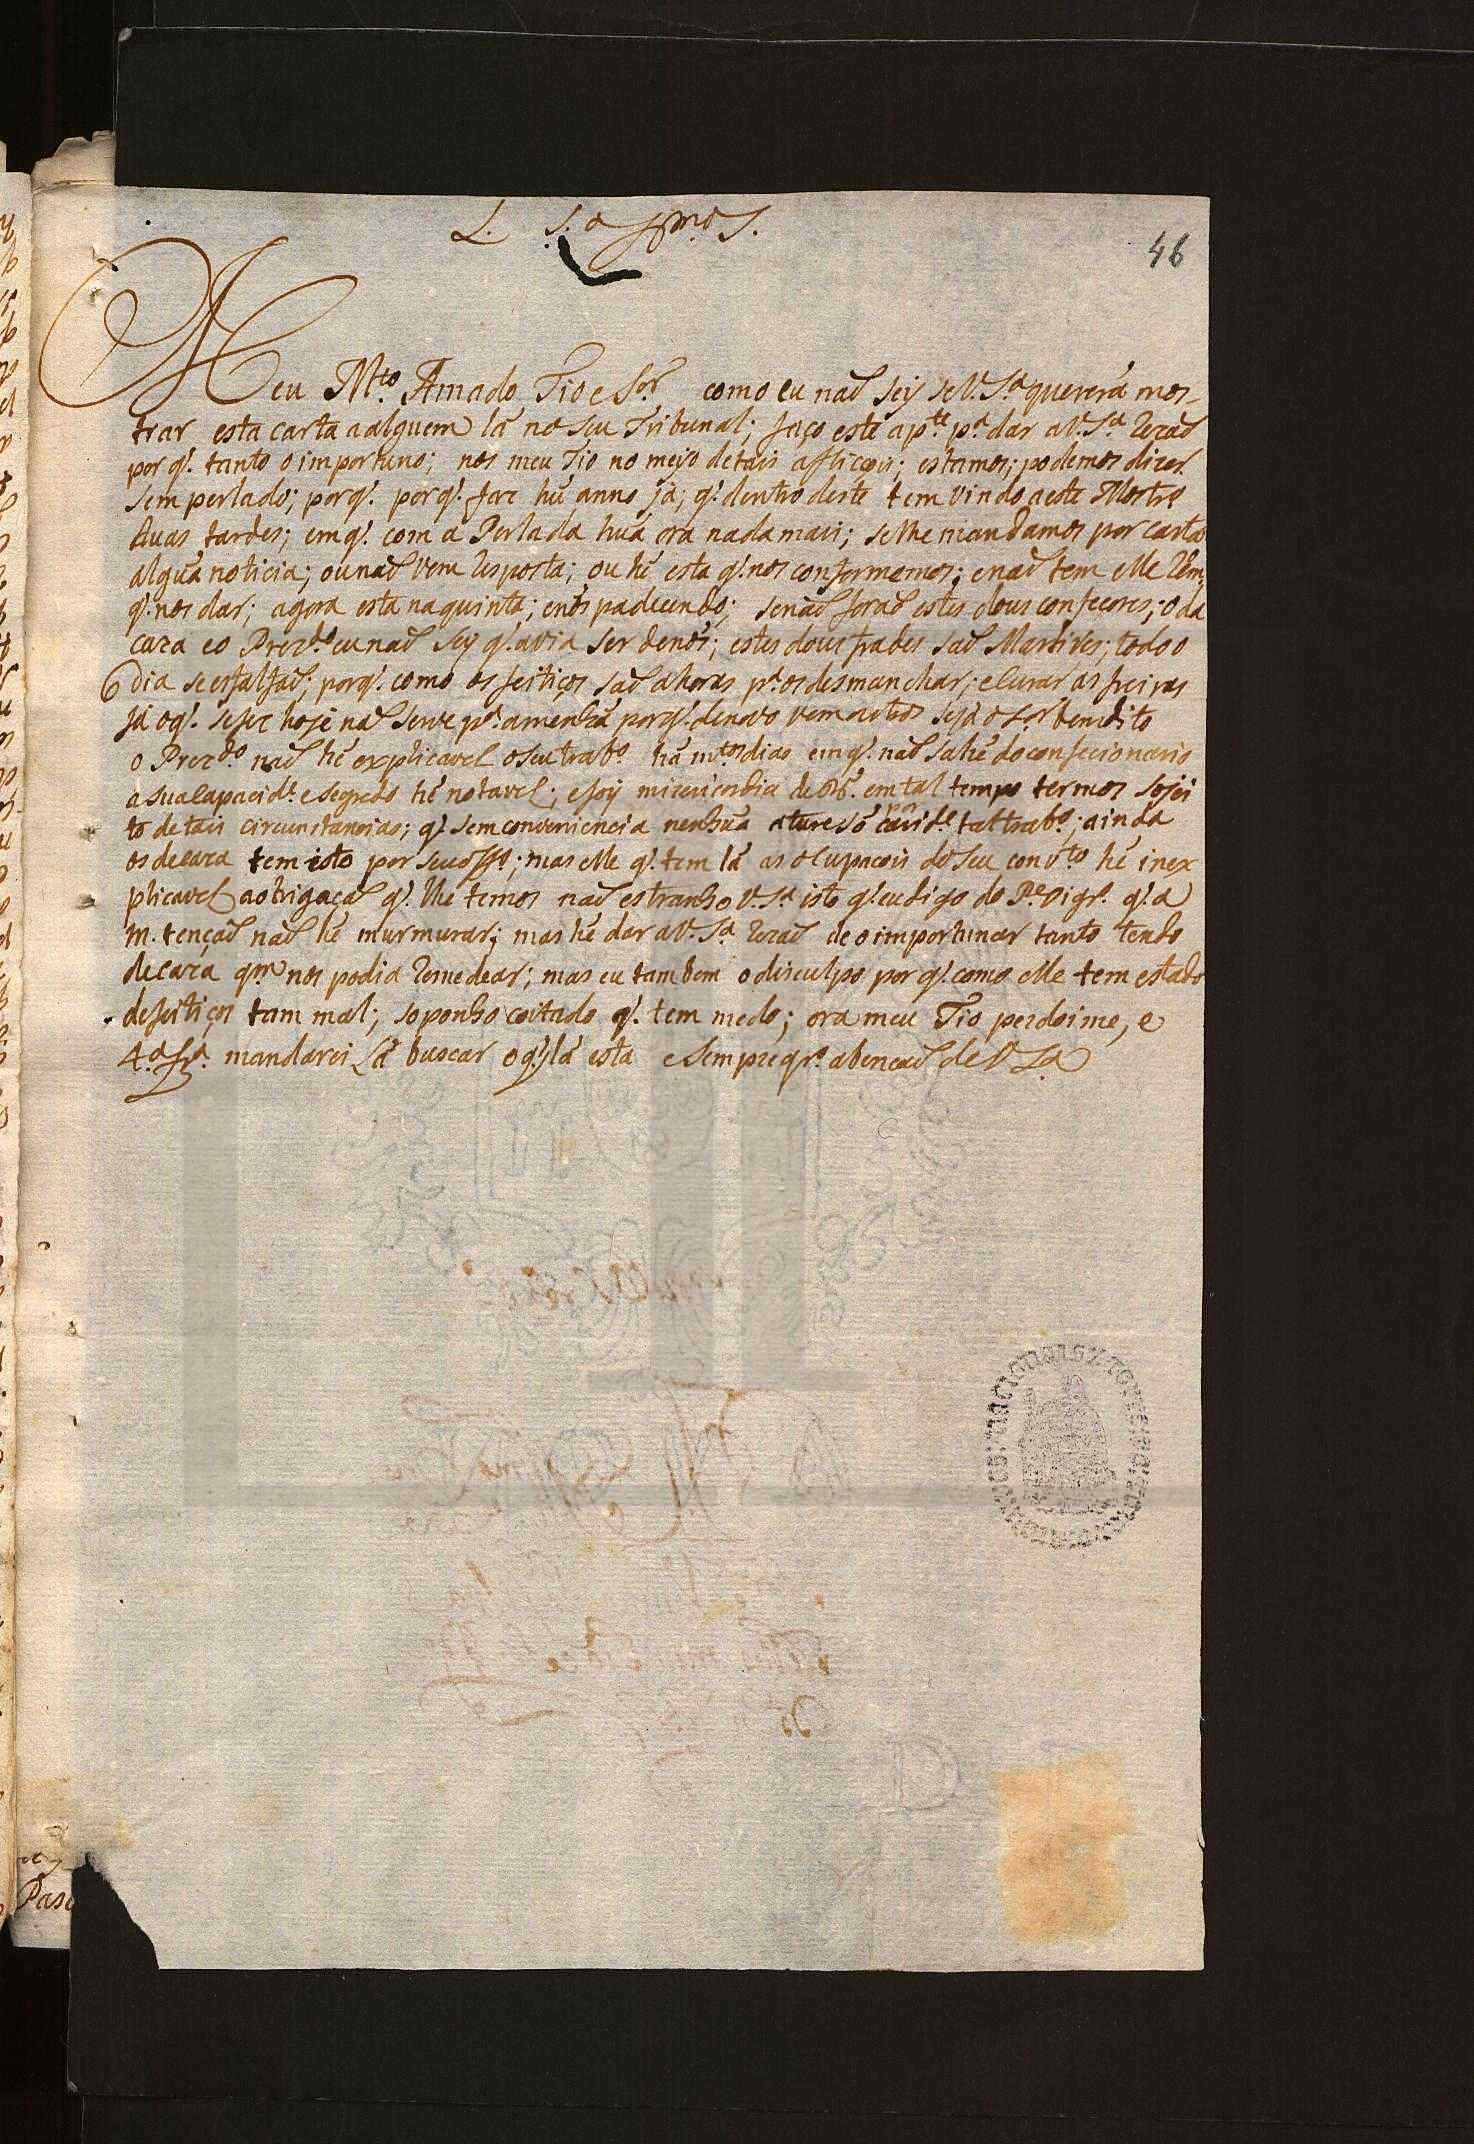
L. s.a Jlmas.
Meu M.to Amado Tio S.or como eu naõ sey se V. S.a quererá mos
trar esta carta a alguem lá no seu Tribunal; faço este a p.te p.a dar a V. S.a Rezaõ
porq̄. tanto o importuno; nos meu Tio no meyo de tais afliçois; estamos; podemos dizer
sem perlado; porq̄. porq̄. faz hū anno ja; q̄. dentro deste tem vindo a este Mostr.o
duas tardes; em q̄. com a Perlada huā ora nada mais; se lhe mandamos por carta
alguā noticia; ou naõ vem Resposta; ou hé esta q̄. nos conformemos; e naõ tem elle Remo
q̄. nos dar; agora esta na quinta; e nós padecendo; senaõ foraõ estes dous confecores; o da
caza e o Prez.do eu naõ sey q̄. avia ser de nós; estes dous frades saõ Martires; todo o
dia se esfalfaõ; porq̄. como os feitiços saõ a horas p.a os desmanchar; e curar as freiras
ja o q̄. se fez hoje naõ serve p.a amanhã porq̄. de novo vem outros seja o s.or bemdito
o Prez.do naõ hé explicavel o seu trab.o há m.tos dias em q̄. naõ sahé do confecionario
a sua capacid.e e segredo hé notavel; e foy misericordia de Ds̄ em tal tempo termos sojei
to de tais circunstancias; q̄. sem conveniencia nenhuā ature só carid.e tal trab.o; ainda
por
os de caza tem isto por seu offo.; mas elle q̄. tem lá as ocupacois do seu conv.to hé inex
plicavel a obrigaçaõ q̄. lhe temos naõ, estranho V. S.a isto q̄. eu digo do P.e Vigr.o q̄. a
m. tençaõ naõ hé murmurar; mas hé dar a V. S.a Rezaõ de o importunar tanto tendo
de caza q.m nos podia remedear; mas eu tambem o disculpo porq̄. como elle tem estado
de feitiços tam mal; soponho coitado q̄. tem medo; ora meu Tio perdoime, e
4.a f.a mandarei Lá buscar o q̄. lá esta e sempre qr.o a bencaõ de V. S.a
